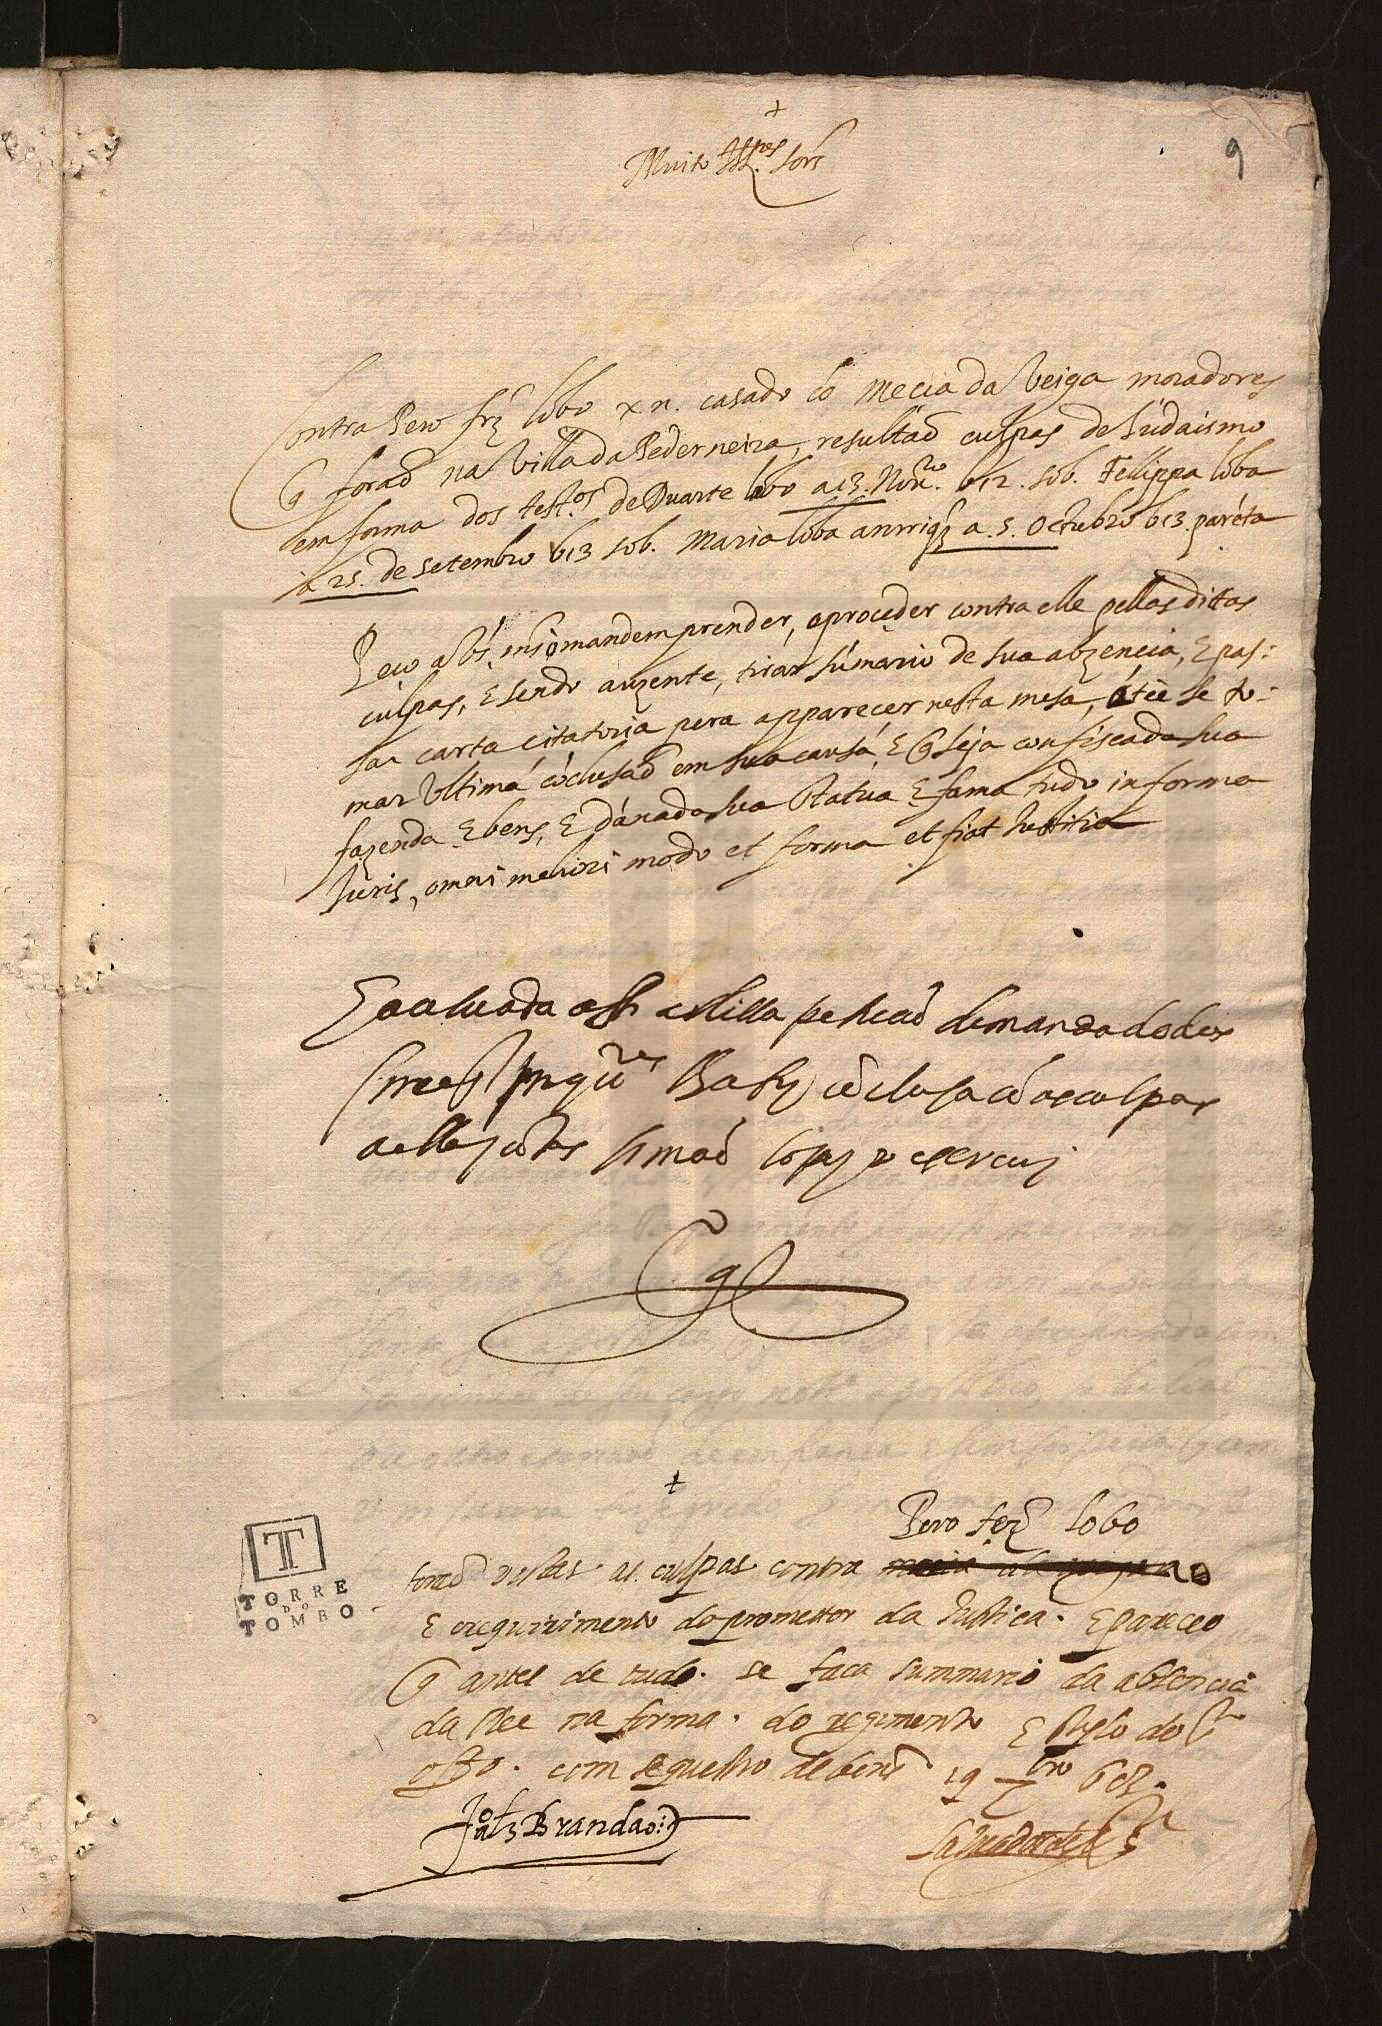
Muito Il̄l.res sor̄s
Contra Pero frz̄ lobo x. n. casado cō mecia da veiga moradores
q̄ foraõ na villa da Pederneira, resultaõ culpas de Iudaismo
em forma dos test.os de Duarte lobo a 13 Nouro 612 sob. Fellippa loba
a 25 de setembro 613 sob. maria loba anrriq̄z a 5 octubro 613 parēta
Peço a vs̄ ms̄ o mandem prender, e proceder contra elle pellas dittas
culpas, E sendo auzente, tirar sūmario de sua abzencia, E pas
sar carta citatoria pera apparecer nesta mesa, ateé se to
mar vltima cōclusaõ em sua causa, E q̄ seja confiscada sua
fazenda E bens, E dānada sua statua, E fama tudo in forma
Juris, omni meliori modo et forma et fiat Iustitia
E a aluada assi a ditta petiçaõ de mandado dos
snres̄ Jnqures lha fiz cōclusa cō as culpas
a ella jūtas Simaõ lopez o escreuj
foraõ uistas as culpas contra
Pero frz̄ lobō
E o requirimento do promottor da Iustiça. E pareceo
q̄ antes de tudo se faça summario da absencia
da Ree na forma do regimento E stylo do sto
offo. com sequestro de bens 19 7bro 613.
